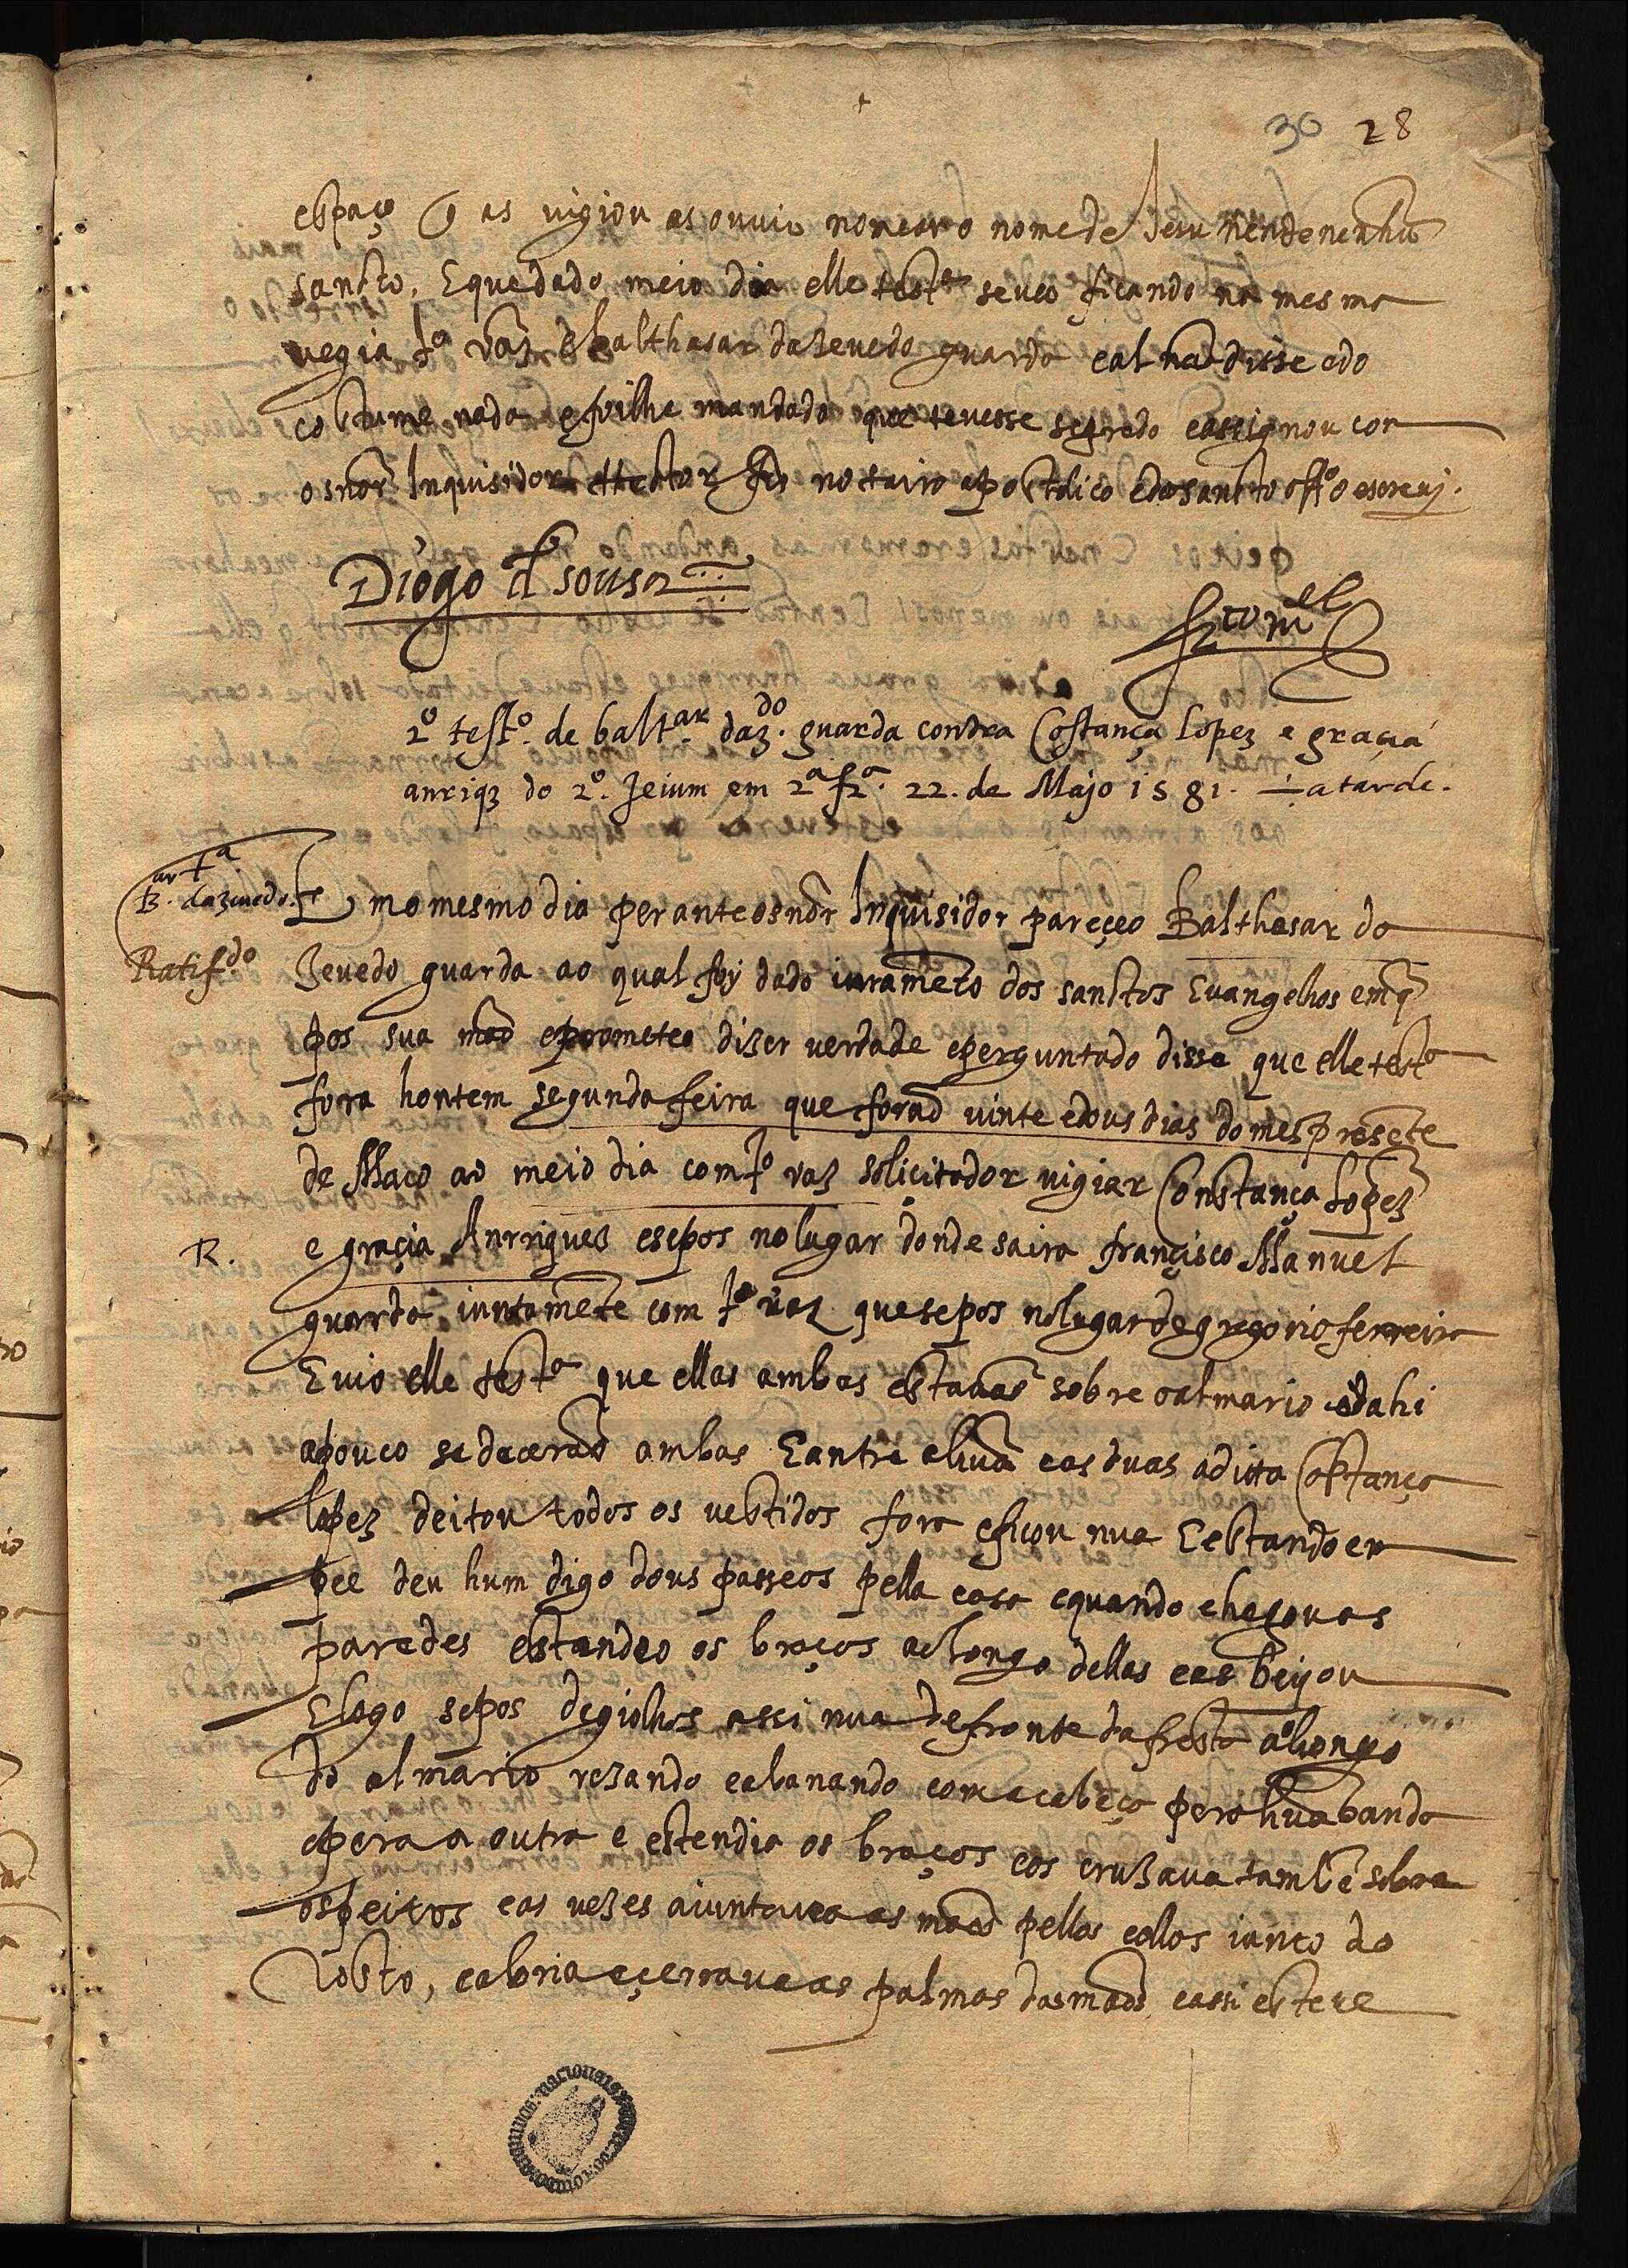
espaço q̄ as uigiou as ouuio nomear o nome de Iesu nen de nenhū
sancto. E que dado meio dia elle testa se ueo ficando na mesma
uegia Io vāz e balthasar dazeuedo guarda e al não disse e do
costume nada e foilhe mandado que teuesse segredo e assignou con
o snōr Inquisidor Hector f̄rs notairo apostolico e do sancto offo o escreuj.
2o testo. de balt.ar daz.do guarda contra Costança lopez e graçia
anriqz do 2.o Jeium em 2.a fr.a 22. de Majo i58i — a tarde.
Em o mesmo dia perante o snōr Inquisidor pareçeo Balthasar da
zeuedo guarda ao qual foy dado iuram̄eto dos sanctos Euangelhos em q̄
pos sua mão e prometeo dizer uerdade e perguntado disse que elle testa
fora hontem segunda feira que forão uinte e dous dias do mes presēte
de Maio ao meio dia com Jo vaz solicitador uigiar Constança Lop̄ez
e graçia Anrriques e se pos no lugar donde saira françisco Manuel
guarda iuntamēte com Io uaz que se pos no lugar de gregorio ferreira
E uio elle testa que ellas ambas estauão sobre o almario e dahi
a pouco se decerão ambas E antre a huā e as duas a ditta Costança
lopez deitou todos os uestidos fora e ficou nua E estando em
pee deu hum digo dous passeos pella casa e quando chegou as
paredes estendeo os braços ao longo dellas e as beijou
E logo se pos de giolhos assi nua defronte da fresta ao liongo
do almario rezando e abanando com a cabeça pera huā banda
e pera a outra e estendia os braços e os cruzaua tambē sobre
os peitos e as uezes aiuntaua as mãos pellos collos iunto do
Rosto, e abria e çerraua as palmas das mãos e assi esteue
